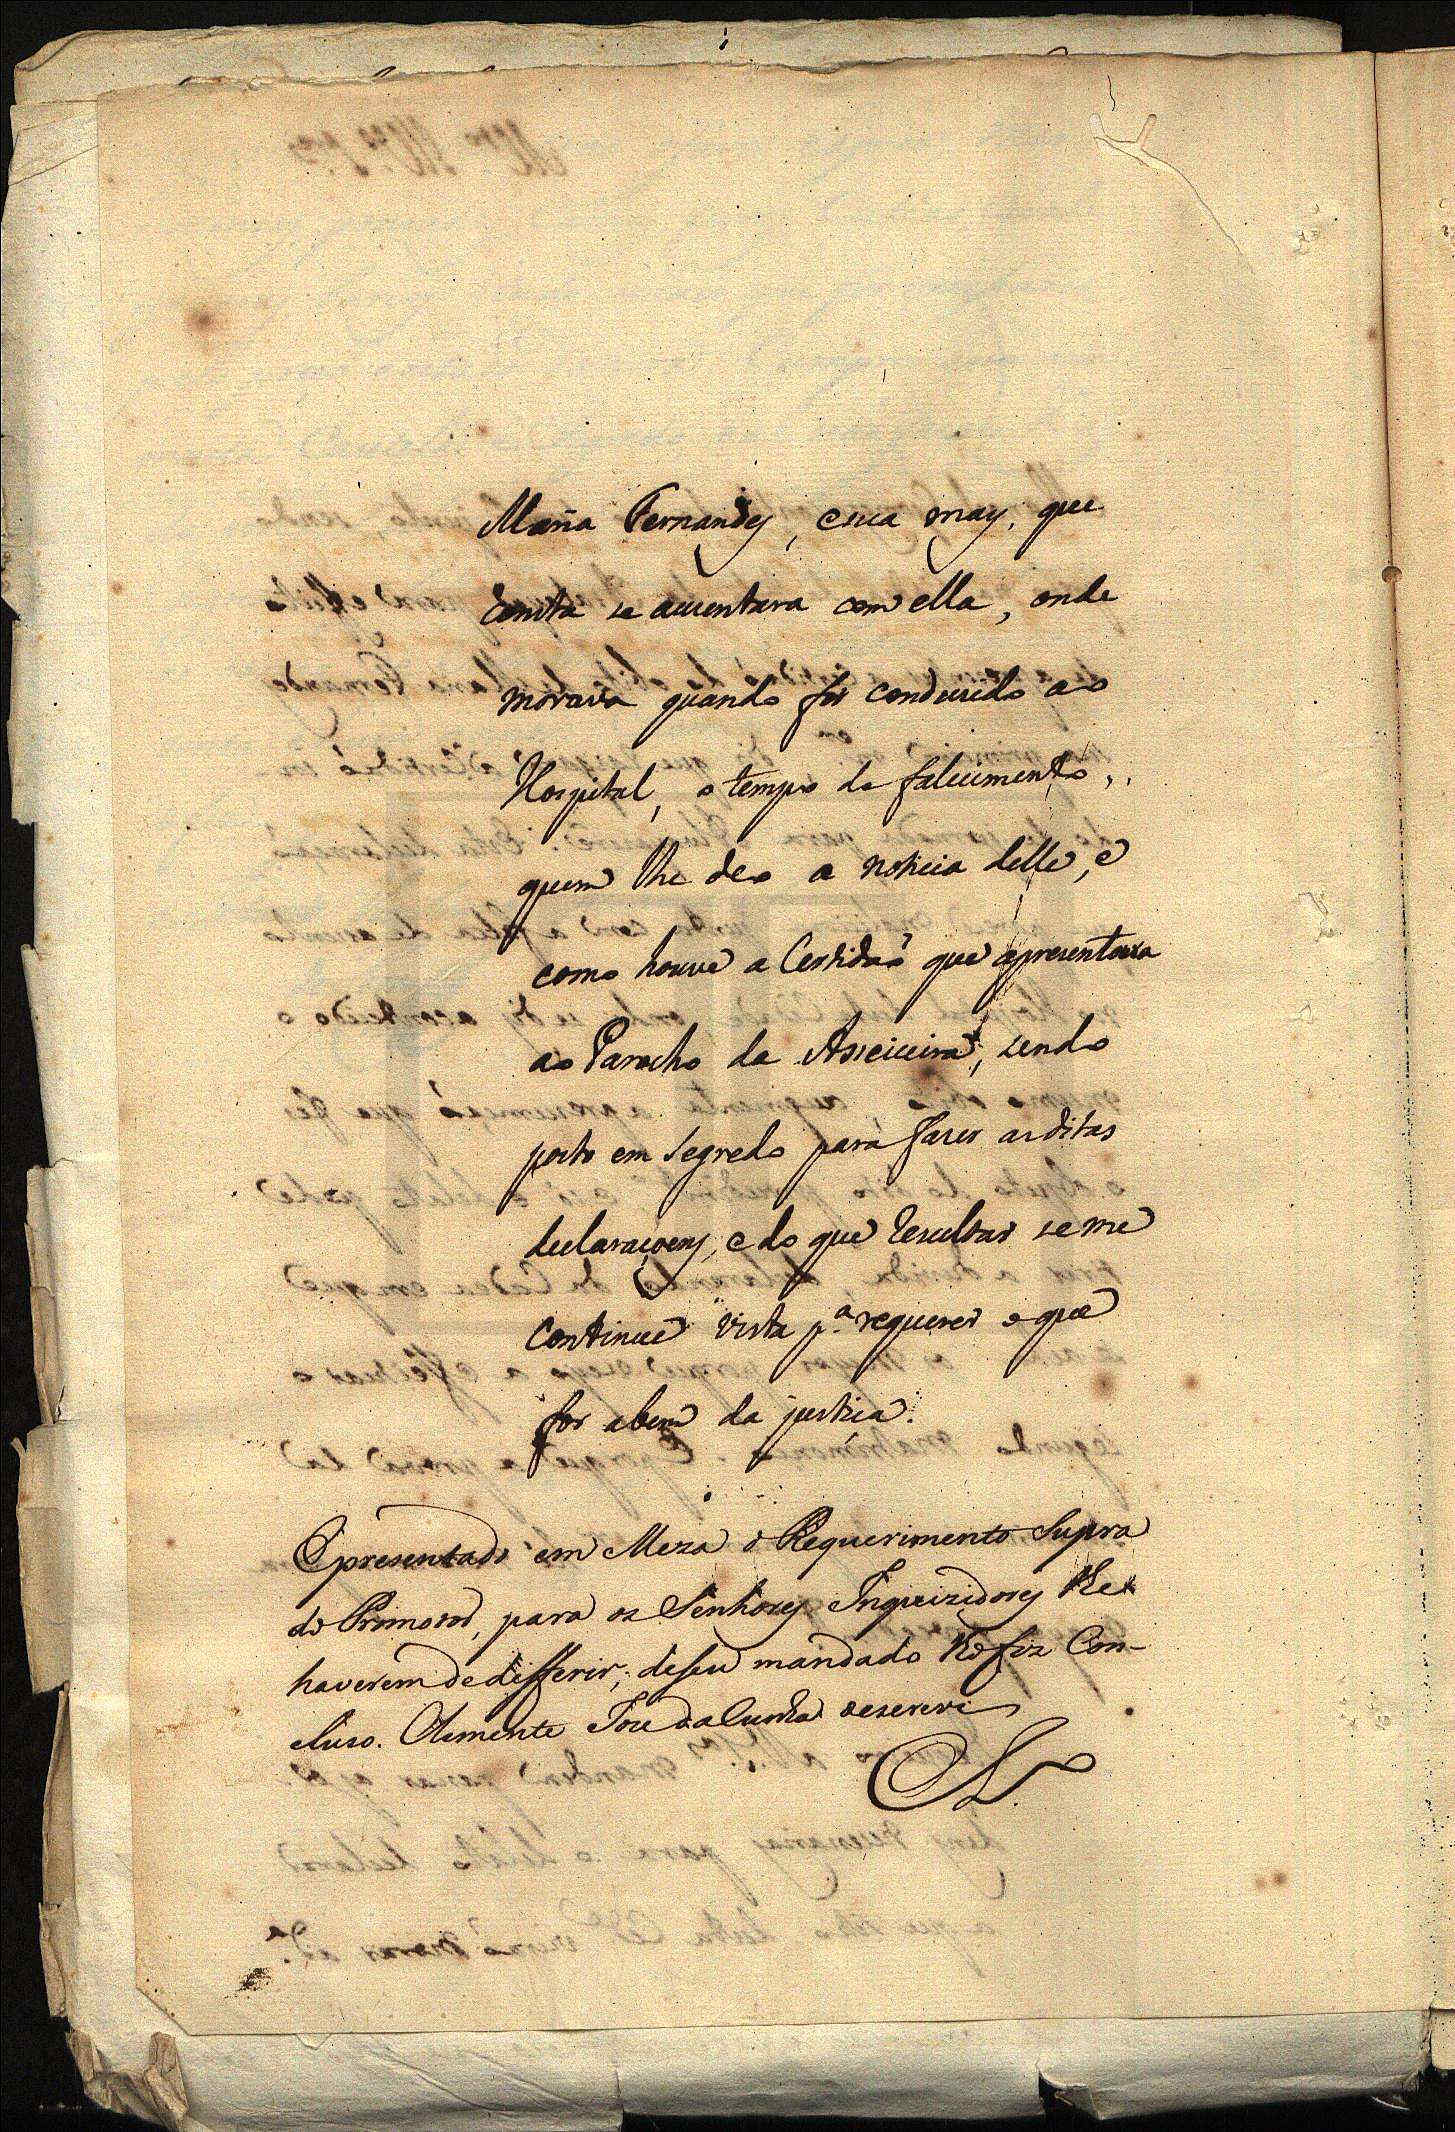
Maria Fernandes, e sua may, que
consta se ausentara com ella, onde
morava quando foi conduzido ao
Hospital, o tempo de falecimento,.
quem lhe deo a noticia delle, e
como houve a Certidaõ que apresentara
ao Parocho de Asseiceira, sendo
posto em segredo para fazer as ditas
declaraçoens, e do que Resultar se me
continue vista p.a requerer o que
for a bem da justiça.
E presentado em Meza o Requerimento Supra
do Promotor, para os Senhores Inquizidores lhe
haverem de differir de seu mandado lho fiz Con
cluzo. Clemente Ioze da Cunha o escrevi
CL.o
